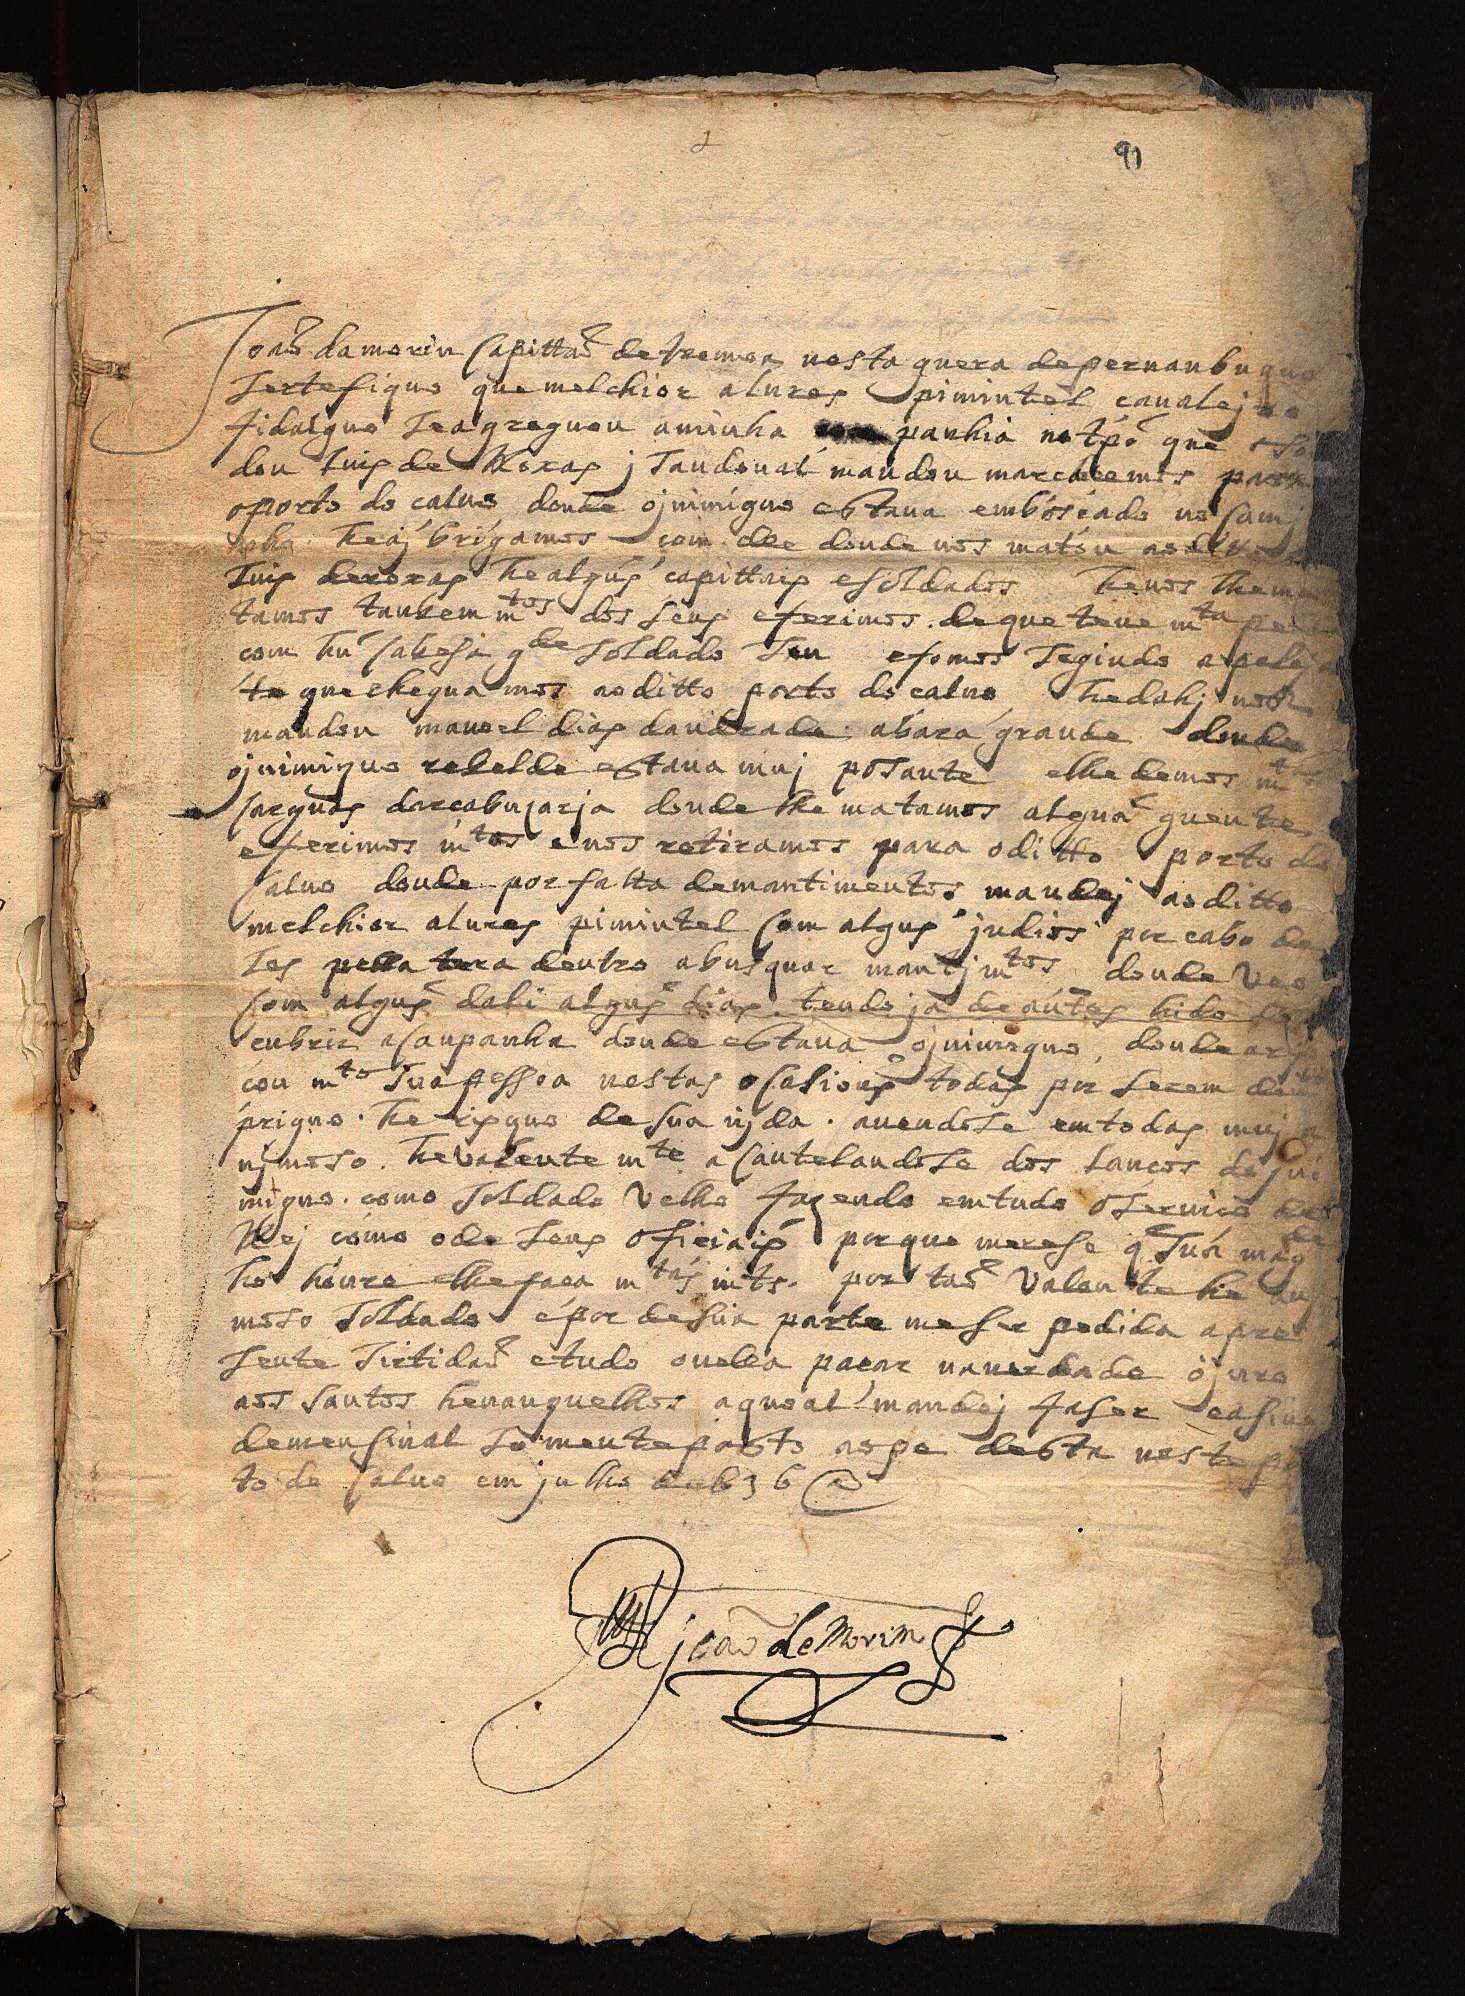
Joaõ damorin Capittaõ de tremoa nesta guera de pernaubuquo
sertefiquo que melchior alures pimintel caualejro
fidalguo se agreguou a minha _panhia no tpō que
dou Luis de Roxas j sandoual mandou mareacemos para
o porto do caluo donde o jnimiguo estaua emboscado no Camj
nho he aj brigamos com elle donde nos matou ao ditto
Luis de roxas he algūs capittais e soldados he nos lhe ma
tamos tanbem mtos dos seus e ferimos de que teue mta pe
com hū Cabesa g.de soldado seu e fomos segindo a peleja
te que cheguamos ao ditto porto do caluo, he dahj nos
mandou manoel dias dandrada a caza grande donde
o jnimiguo rebelde estaua muj posante e lhe temos mtas
larguas darcabuzarja donde lhe matamos alguā gente
e ferimos mtos e nos retiramos para o ditto porto de
Caluo donde por falta de mantimentos mandej ao ditto
melchior alures pimintel Com algus̄ judios por cabo de
les pella tera dentro a busquar mantjmtos, donde veo
Com algus̄ dali algus̄ dias tendo ja de antes hido de
cubrir a Campanha donde estaua o jnimiguo, donde arj
çou m.to sua pessoa nestas oCasioes todas por serem de
priguo. he risquo de sua ujda. auendose em todas muj a
njmoso he valentemte aCautelandose dos lanços do jni
miguo como soldado velho fazendo em tudo o seruiço de
Rej como o de seus oficiais porque merese q̄ sua magde
ho loure e lhe faça mtas uits por taõ valente he anj
moso soldado e por de sua parte me ser podida a pre
sente sirtidaõ e tudo o uale a paçar na uerdade o jura
aos santos heuanguelhos a quoal mandej faser e asina
de meu sinal somente posto ao pe desta neste po
to de Caluo em julho de 636 ā
joaõ de Morim
